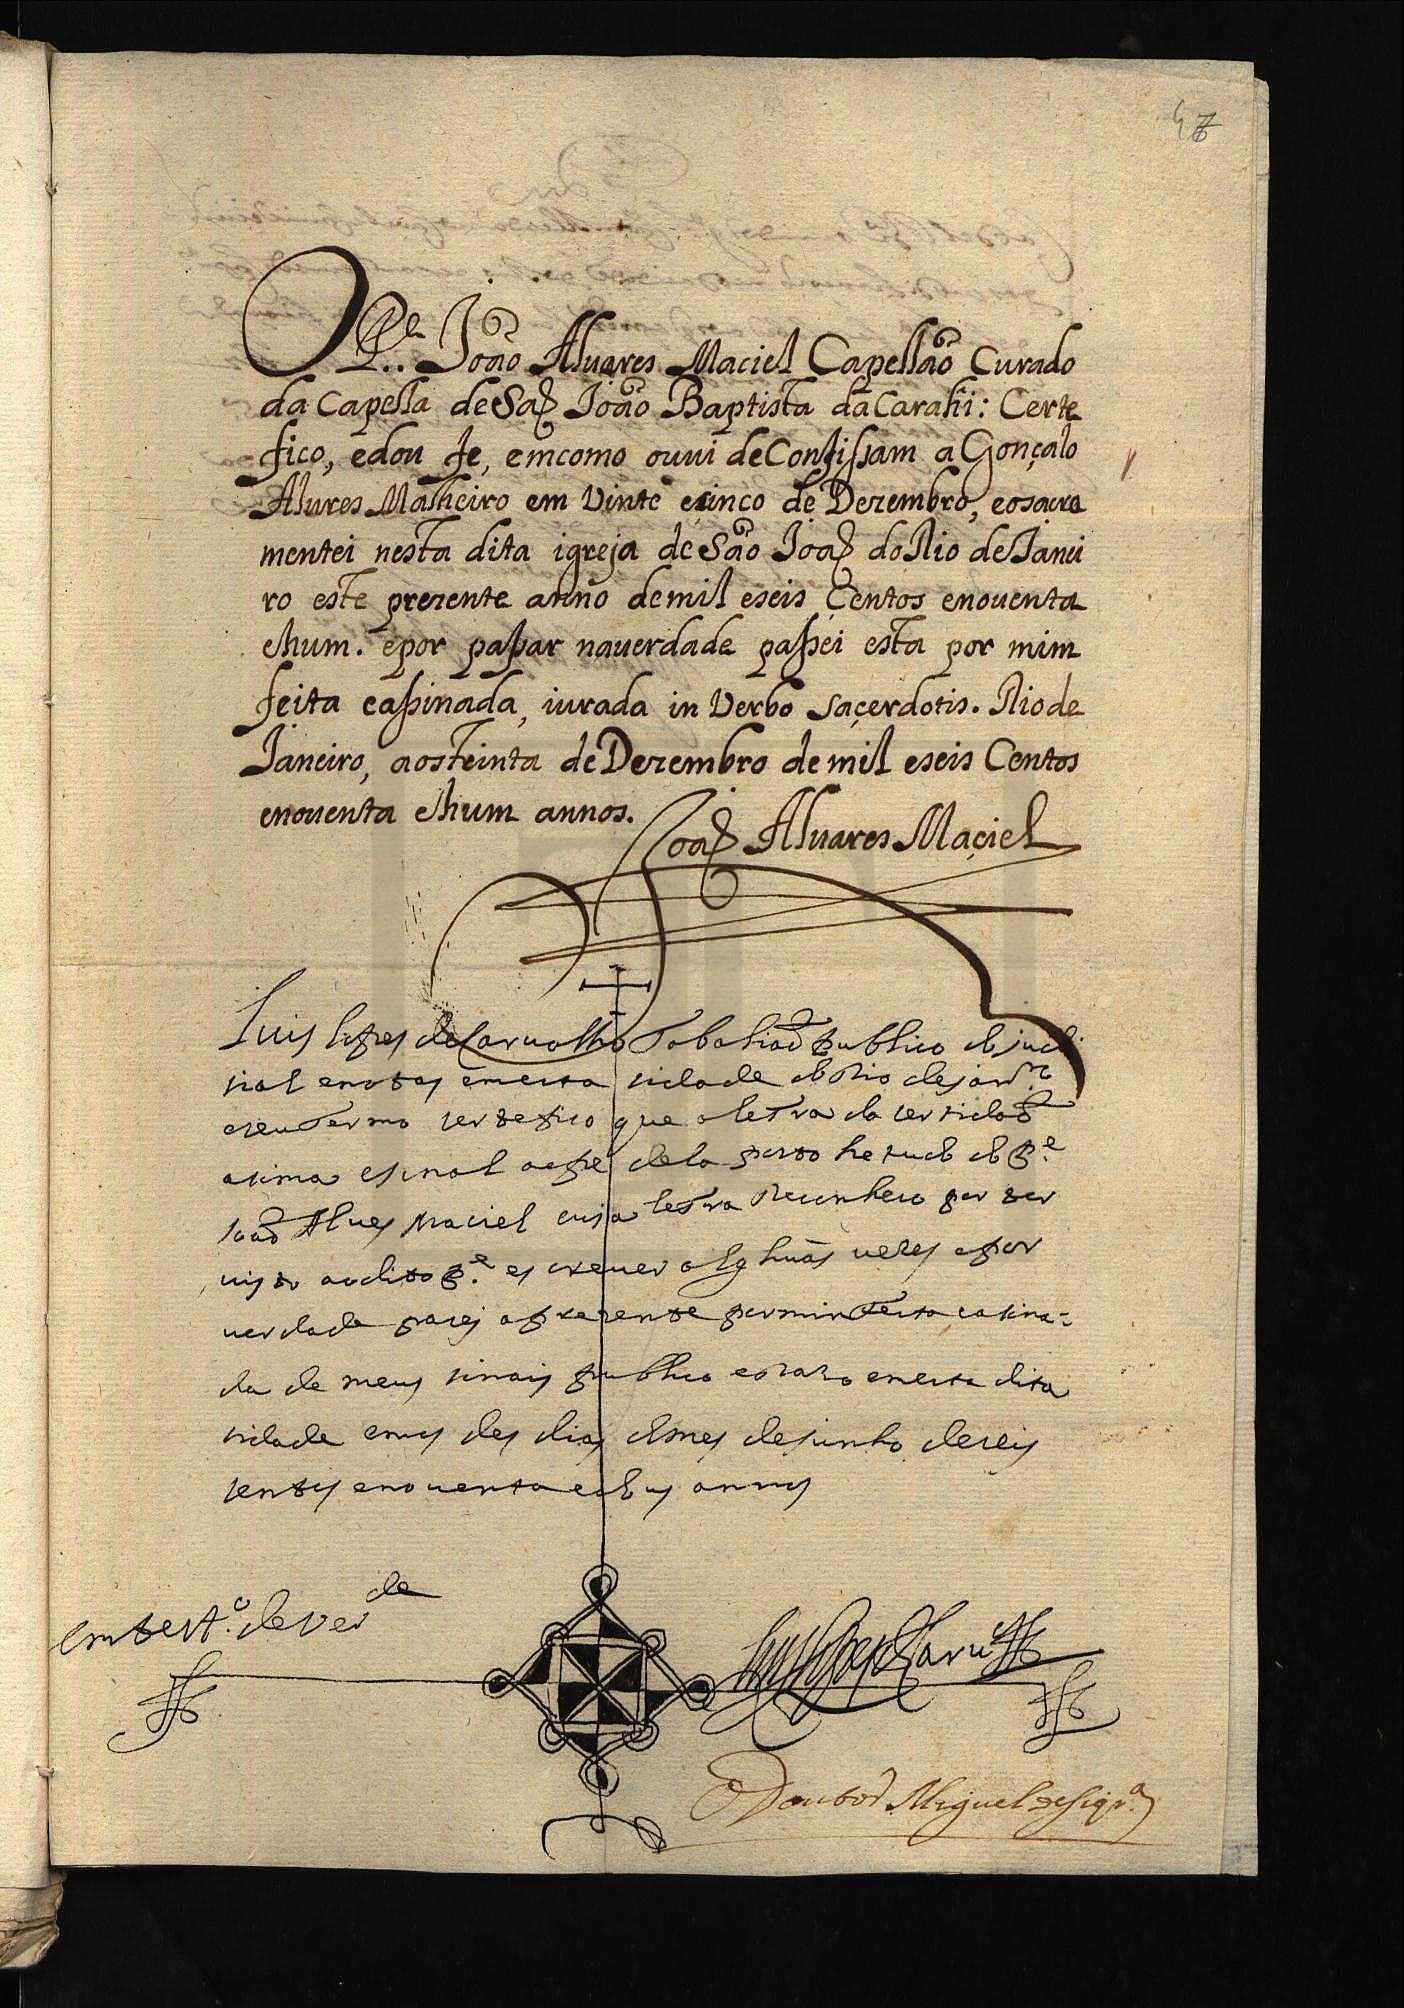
O P.e Ioão Aluares Maciel Capellaõ Curado
da Capella de Saõ Ioaõ Baptista da Carahi: Certe
fico, e dou fe, em como ouui de Confissam a Gonçalo
Alures Malheiro em vinte e sinco de Dezembro, e o sacra
mentei nesta dita igreja de São Ioaõ do Rio de Ianei
ro este prezente anno de mil e seisCentos e nouenta
e hum. e por passar na uerdade passei esta por mim
feita e assinada, iurada in verbo sacerdotis. Rio de
Ianeiro, aos trinta de Dezembro de mil e seisCentos
e nouenta e hum annos.
Joaõ Aluares Maciel
Luis Lopes de Carualho Tabaliaõ publico ab judi
sial e notas em esta cidade do Rio de janro
e seu Termo sertefico que a letra da certidaõ
asima e sinal ao pe dela perto he tudo do P.e
Ioaõ Alues Maciel cuja letra Reconheço por ter
uisto ao dito p.e escreuer aly huās uezes e por
uerdade pasej a prezente por min Feita e asina
da de meus sinais publico e Razo en esta dita
cidade e mes des dias do mes de junho de seis
sentos e nouenta e dous annos
em test.o de verde
luis lopes d̄ Caruo
O Doutor Miguel de siqr.a
